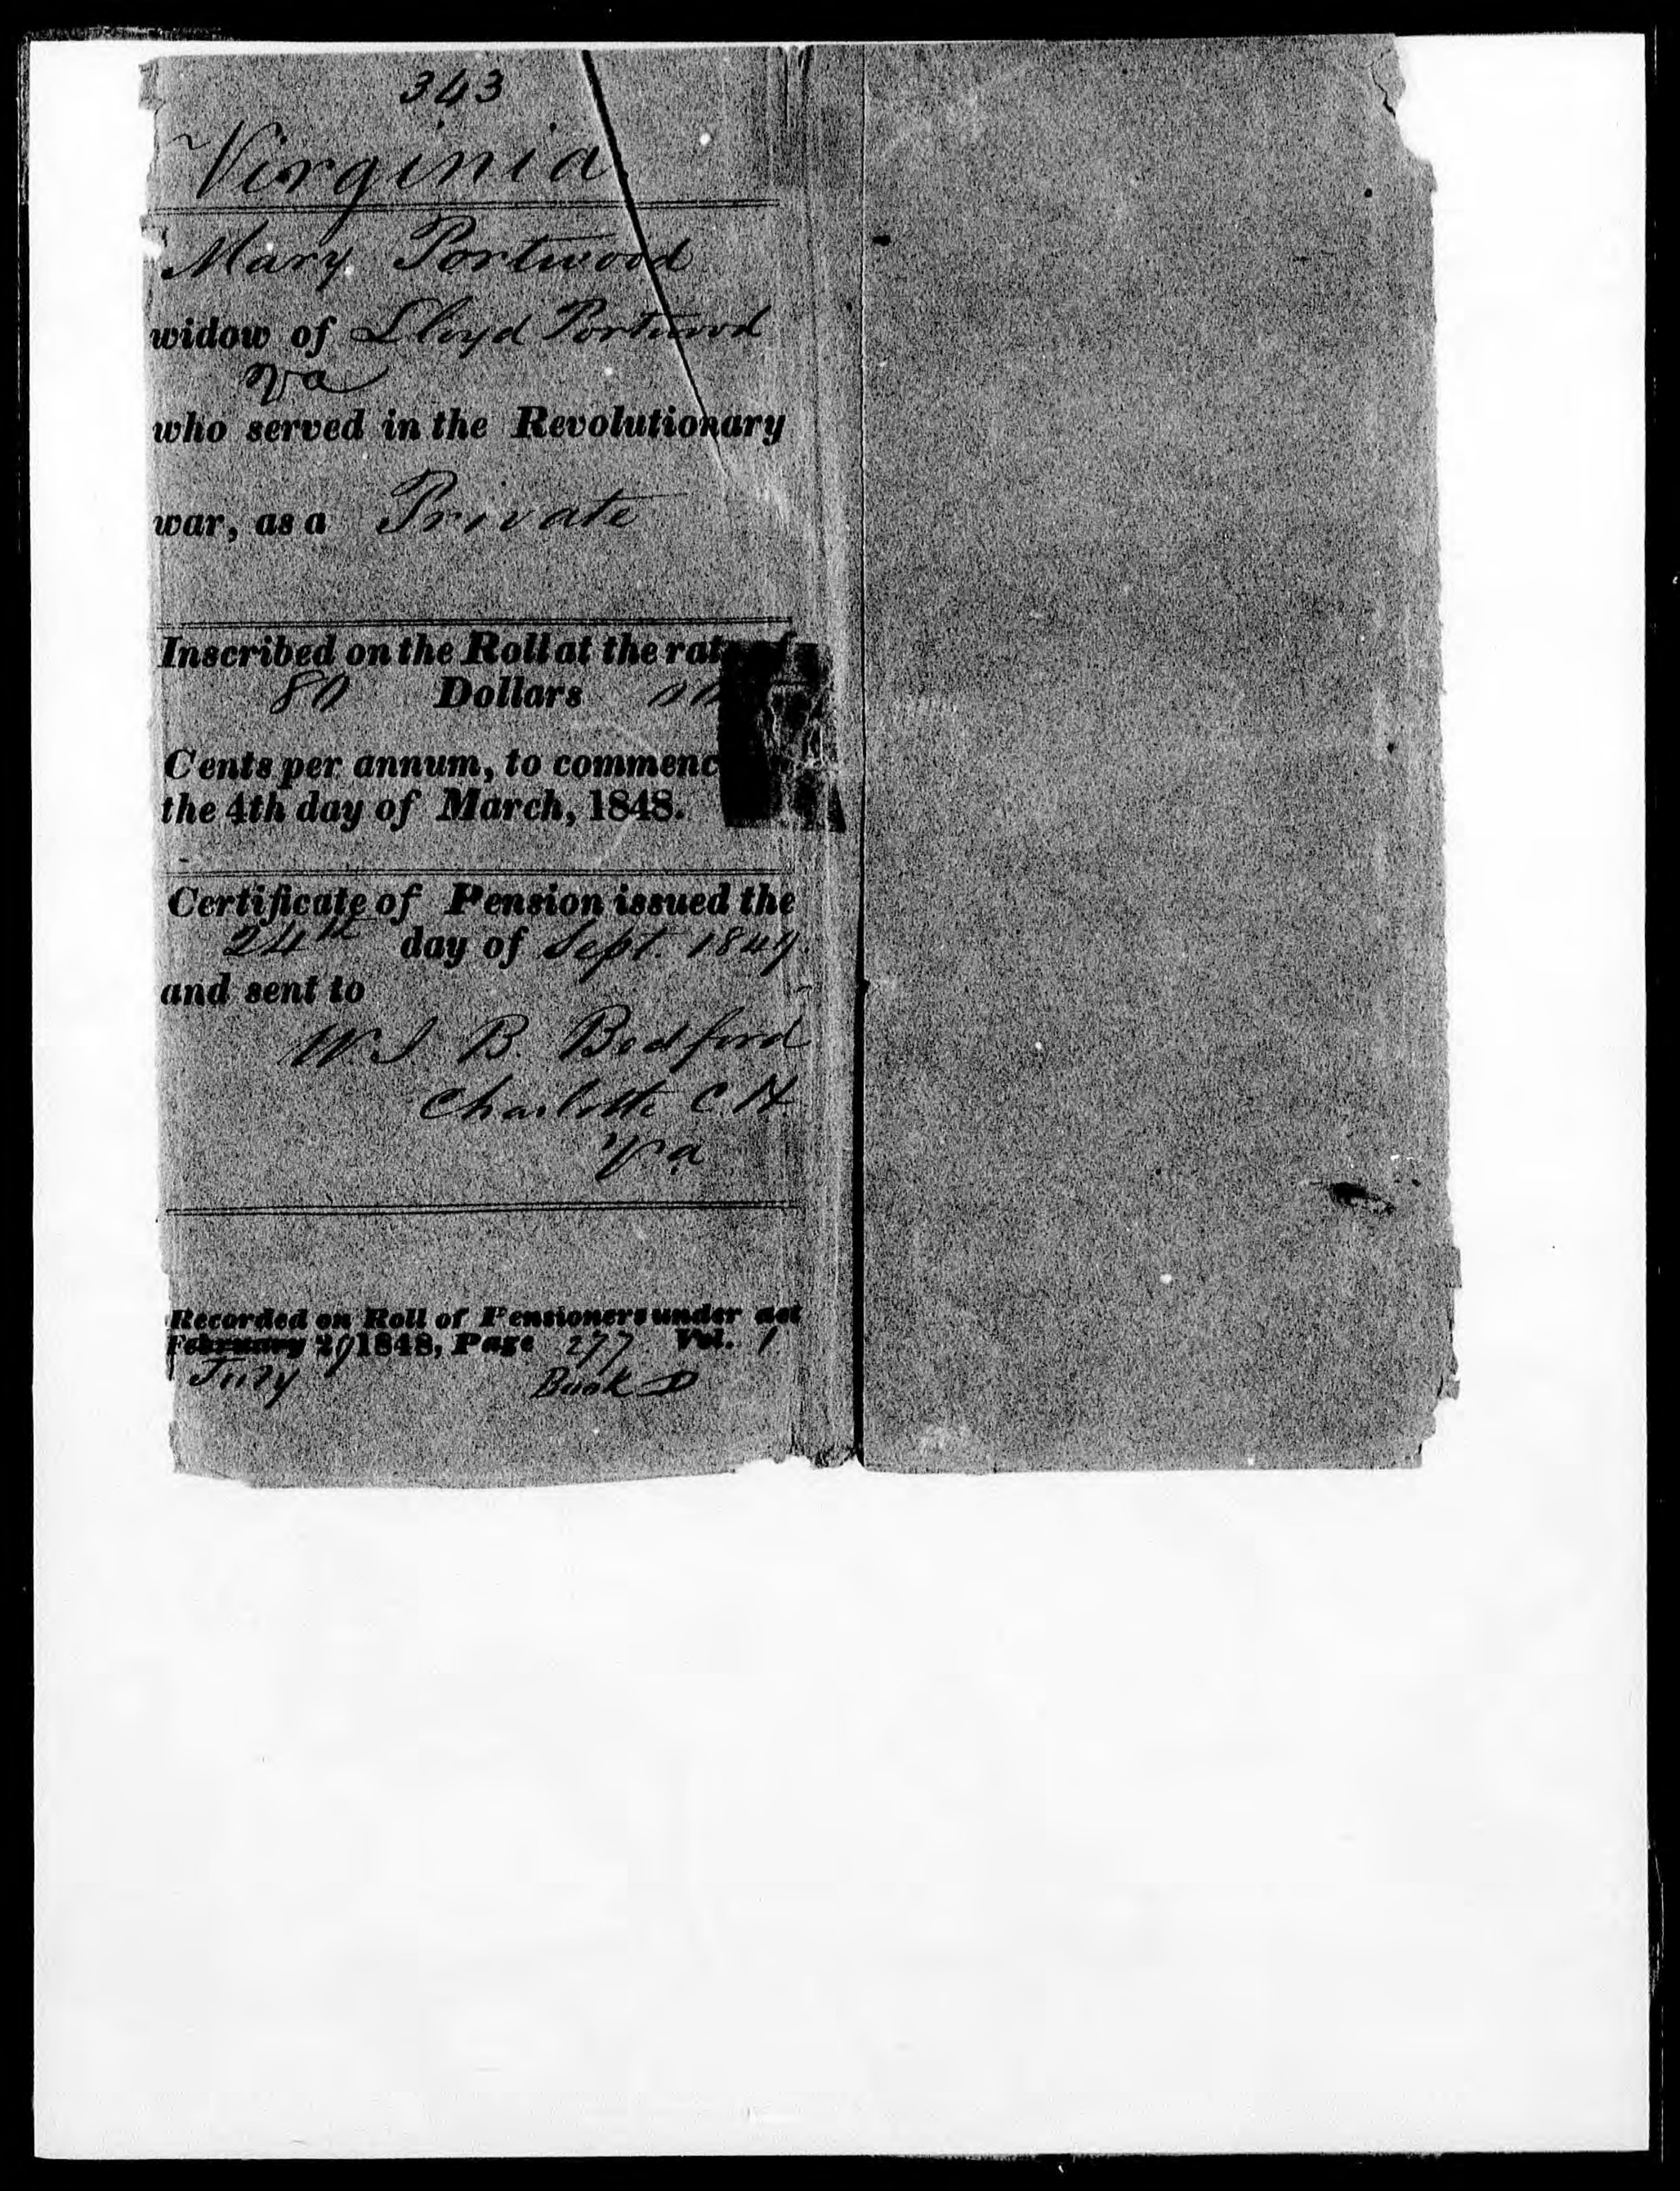343
Virginia
Mary Portwood
widow of Lloyd Portwood
Va
who served in the Revolutionary
war, as a Private
Inscribed on the Roll at the rate of
80 Dollars 00
Cents per annum, to commenc
the 4th day of March, 1848.
Certificate of Pension issued the
24th day of Sept. 1849
and sent to
W. J. B. Bedford
Charlotte C H
Va
Recorded on Roll of Pensioners under act
February [marked out] 29 ["9" handwritten in] 1848, Page 277 Vol. 1
July [handwritten] Book D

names: Mary Portwood; Lloyd Portwood; W J B Bedford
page: 2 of 50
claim: widow's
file: W. 1929, for Lloyd Portwood, Virginia